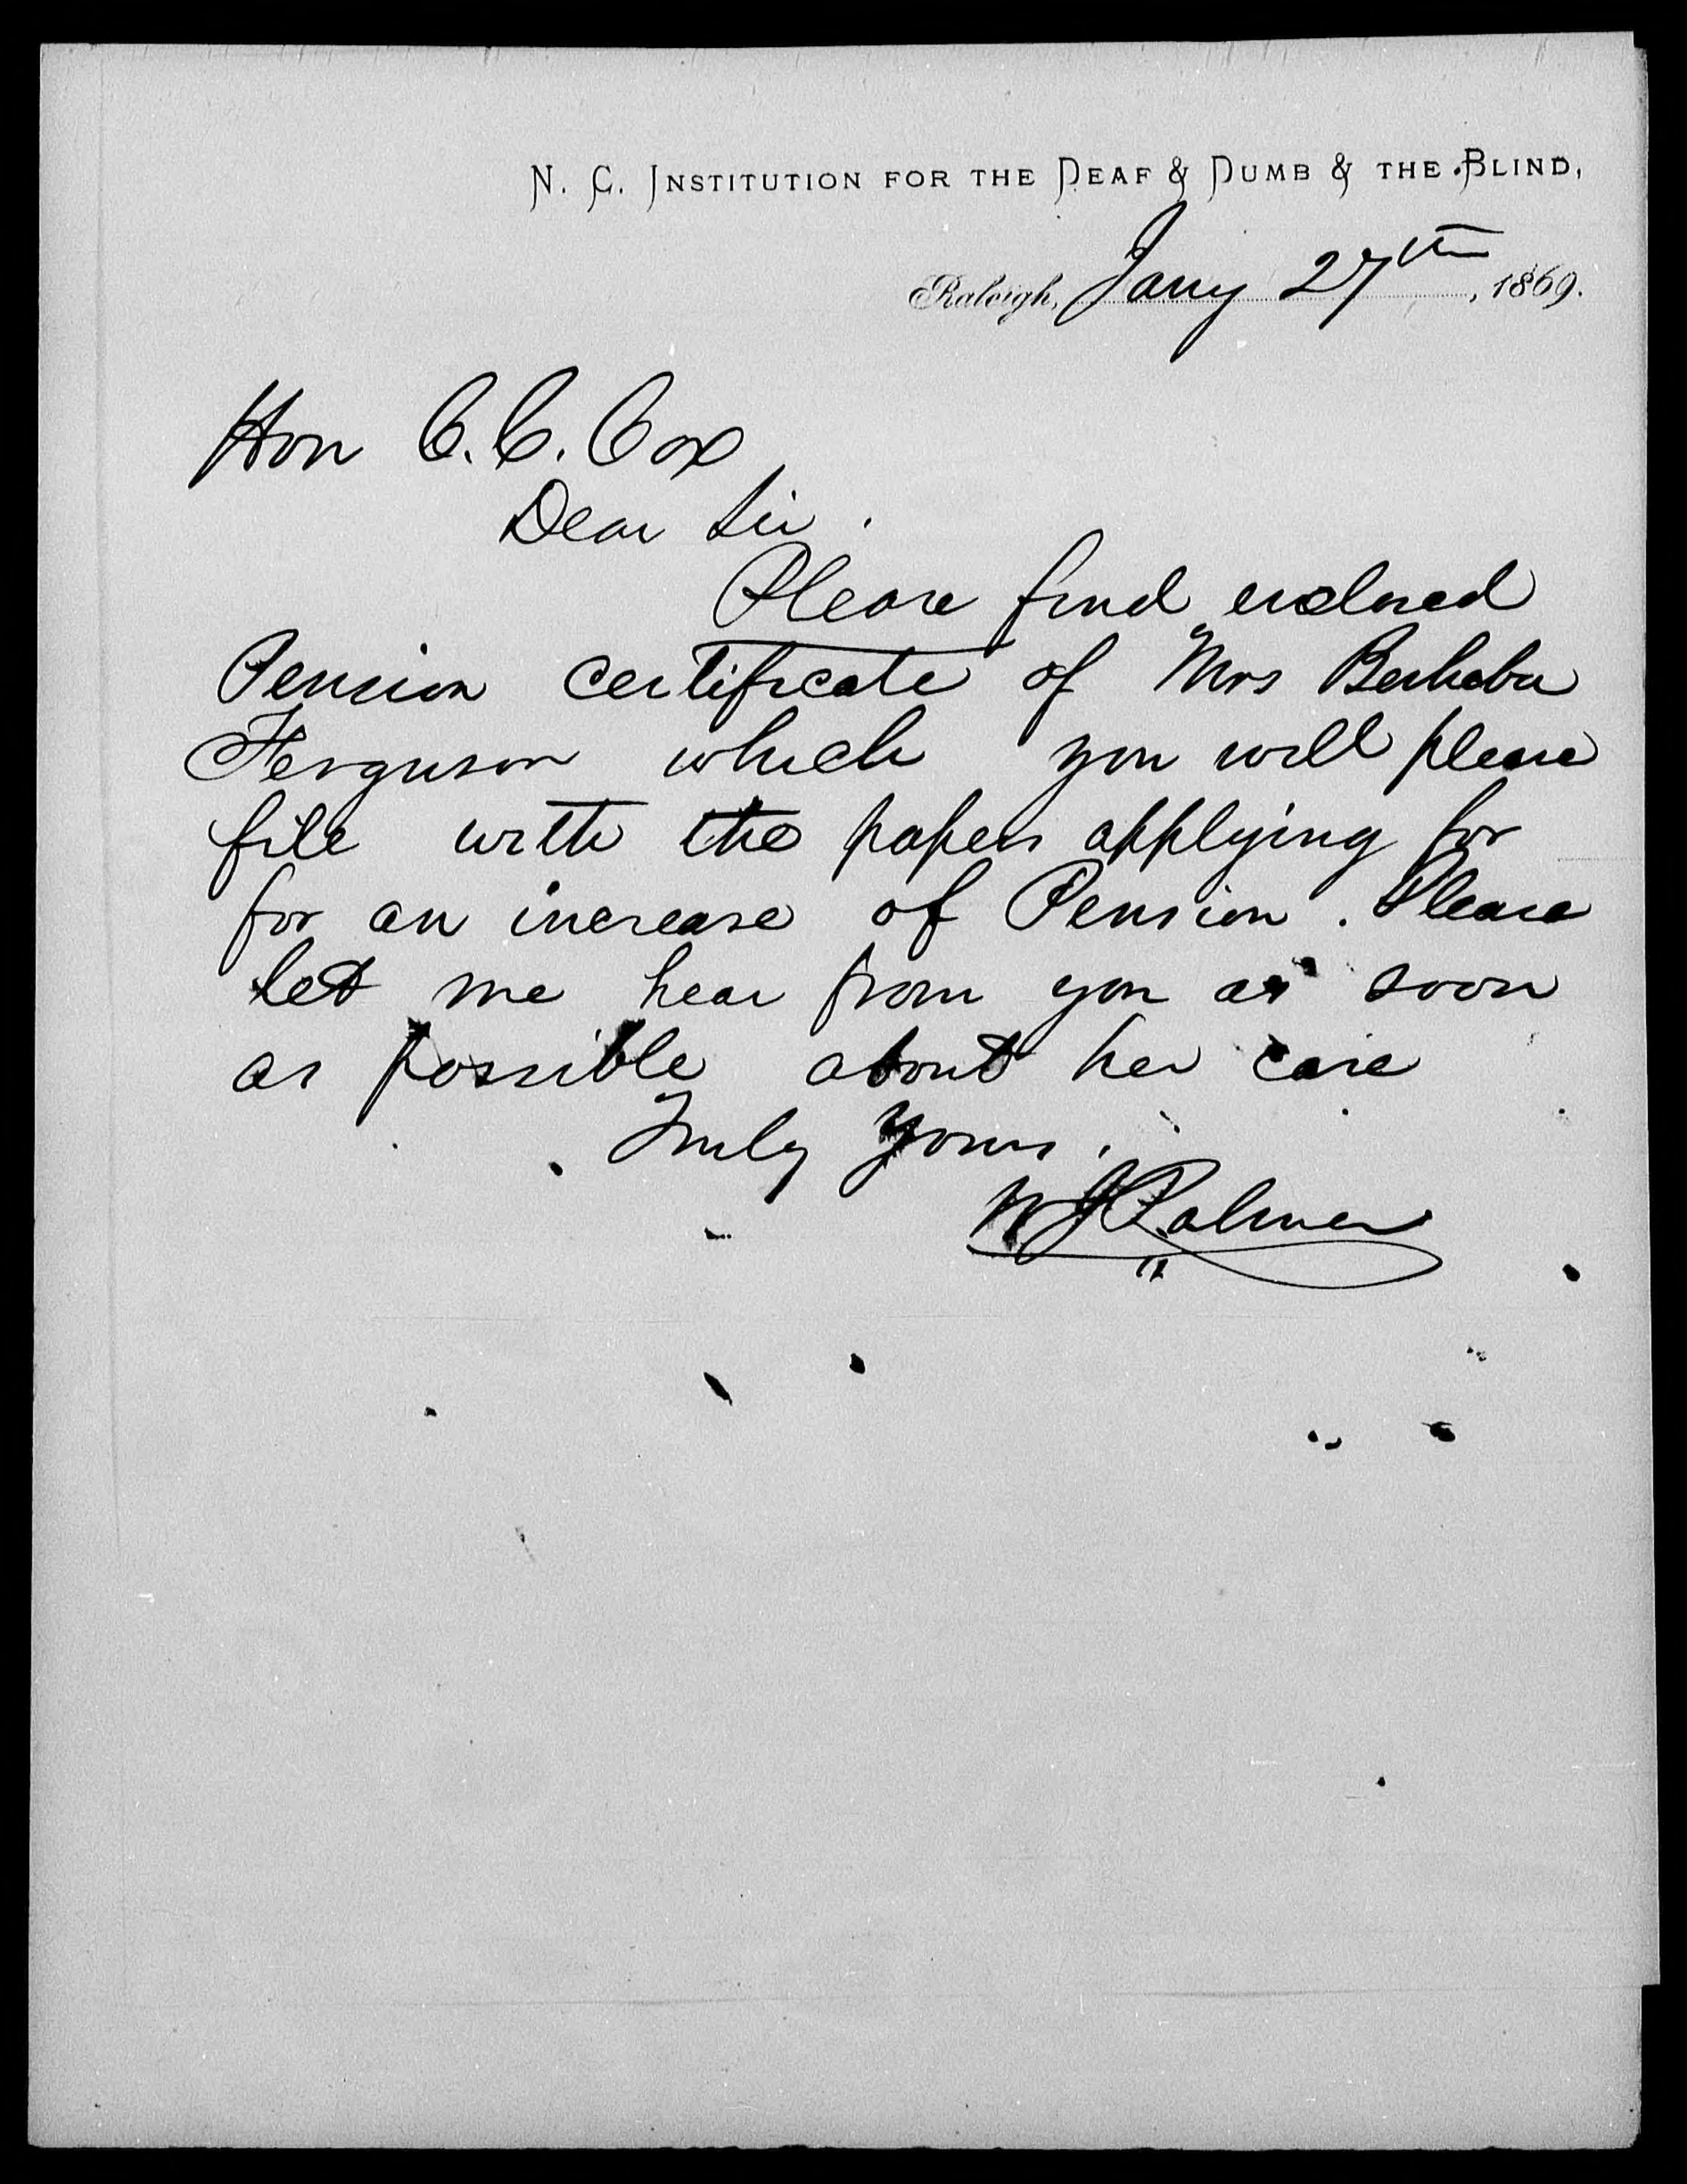N.C. Institution for the Deaf & Dumb & the Blind,
Raliegh January 27th, 1869.
Hon C.C. Cox
Dear Sir,
Please find enclosed Pension certificate of Mrs Besheba Ferguson which you will please file with the paper applying for an increase of Pension. Please let me hear from you as soon as possible about her case.
Truly Yours,
WJ Palmer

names: W J Palmer, Besheba Ferguson, C C Cox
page: 43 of 81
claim: widow's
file: W. 7262, Robert Ferguson, Va.